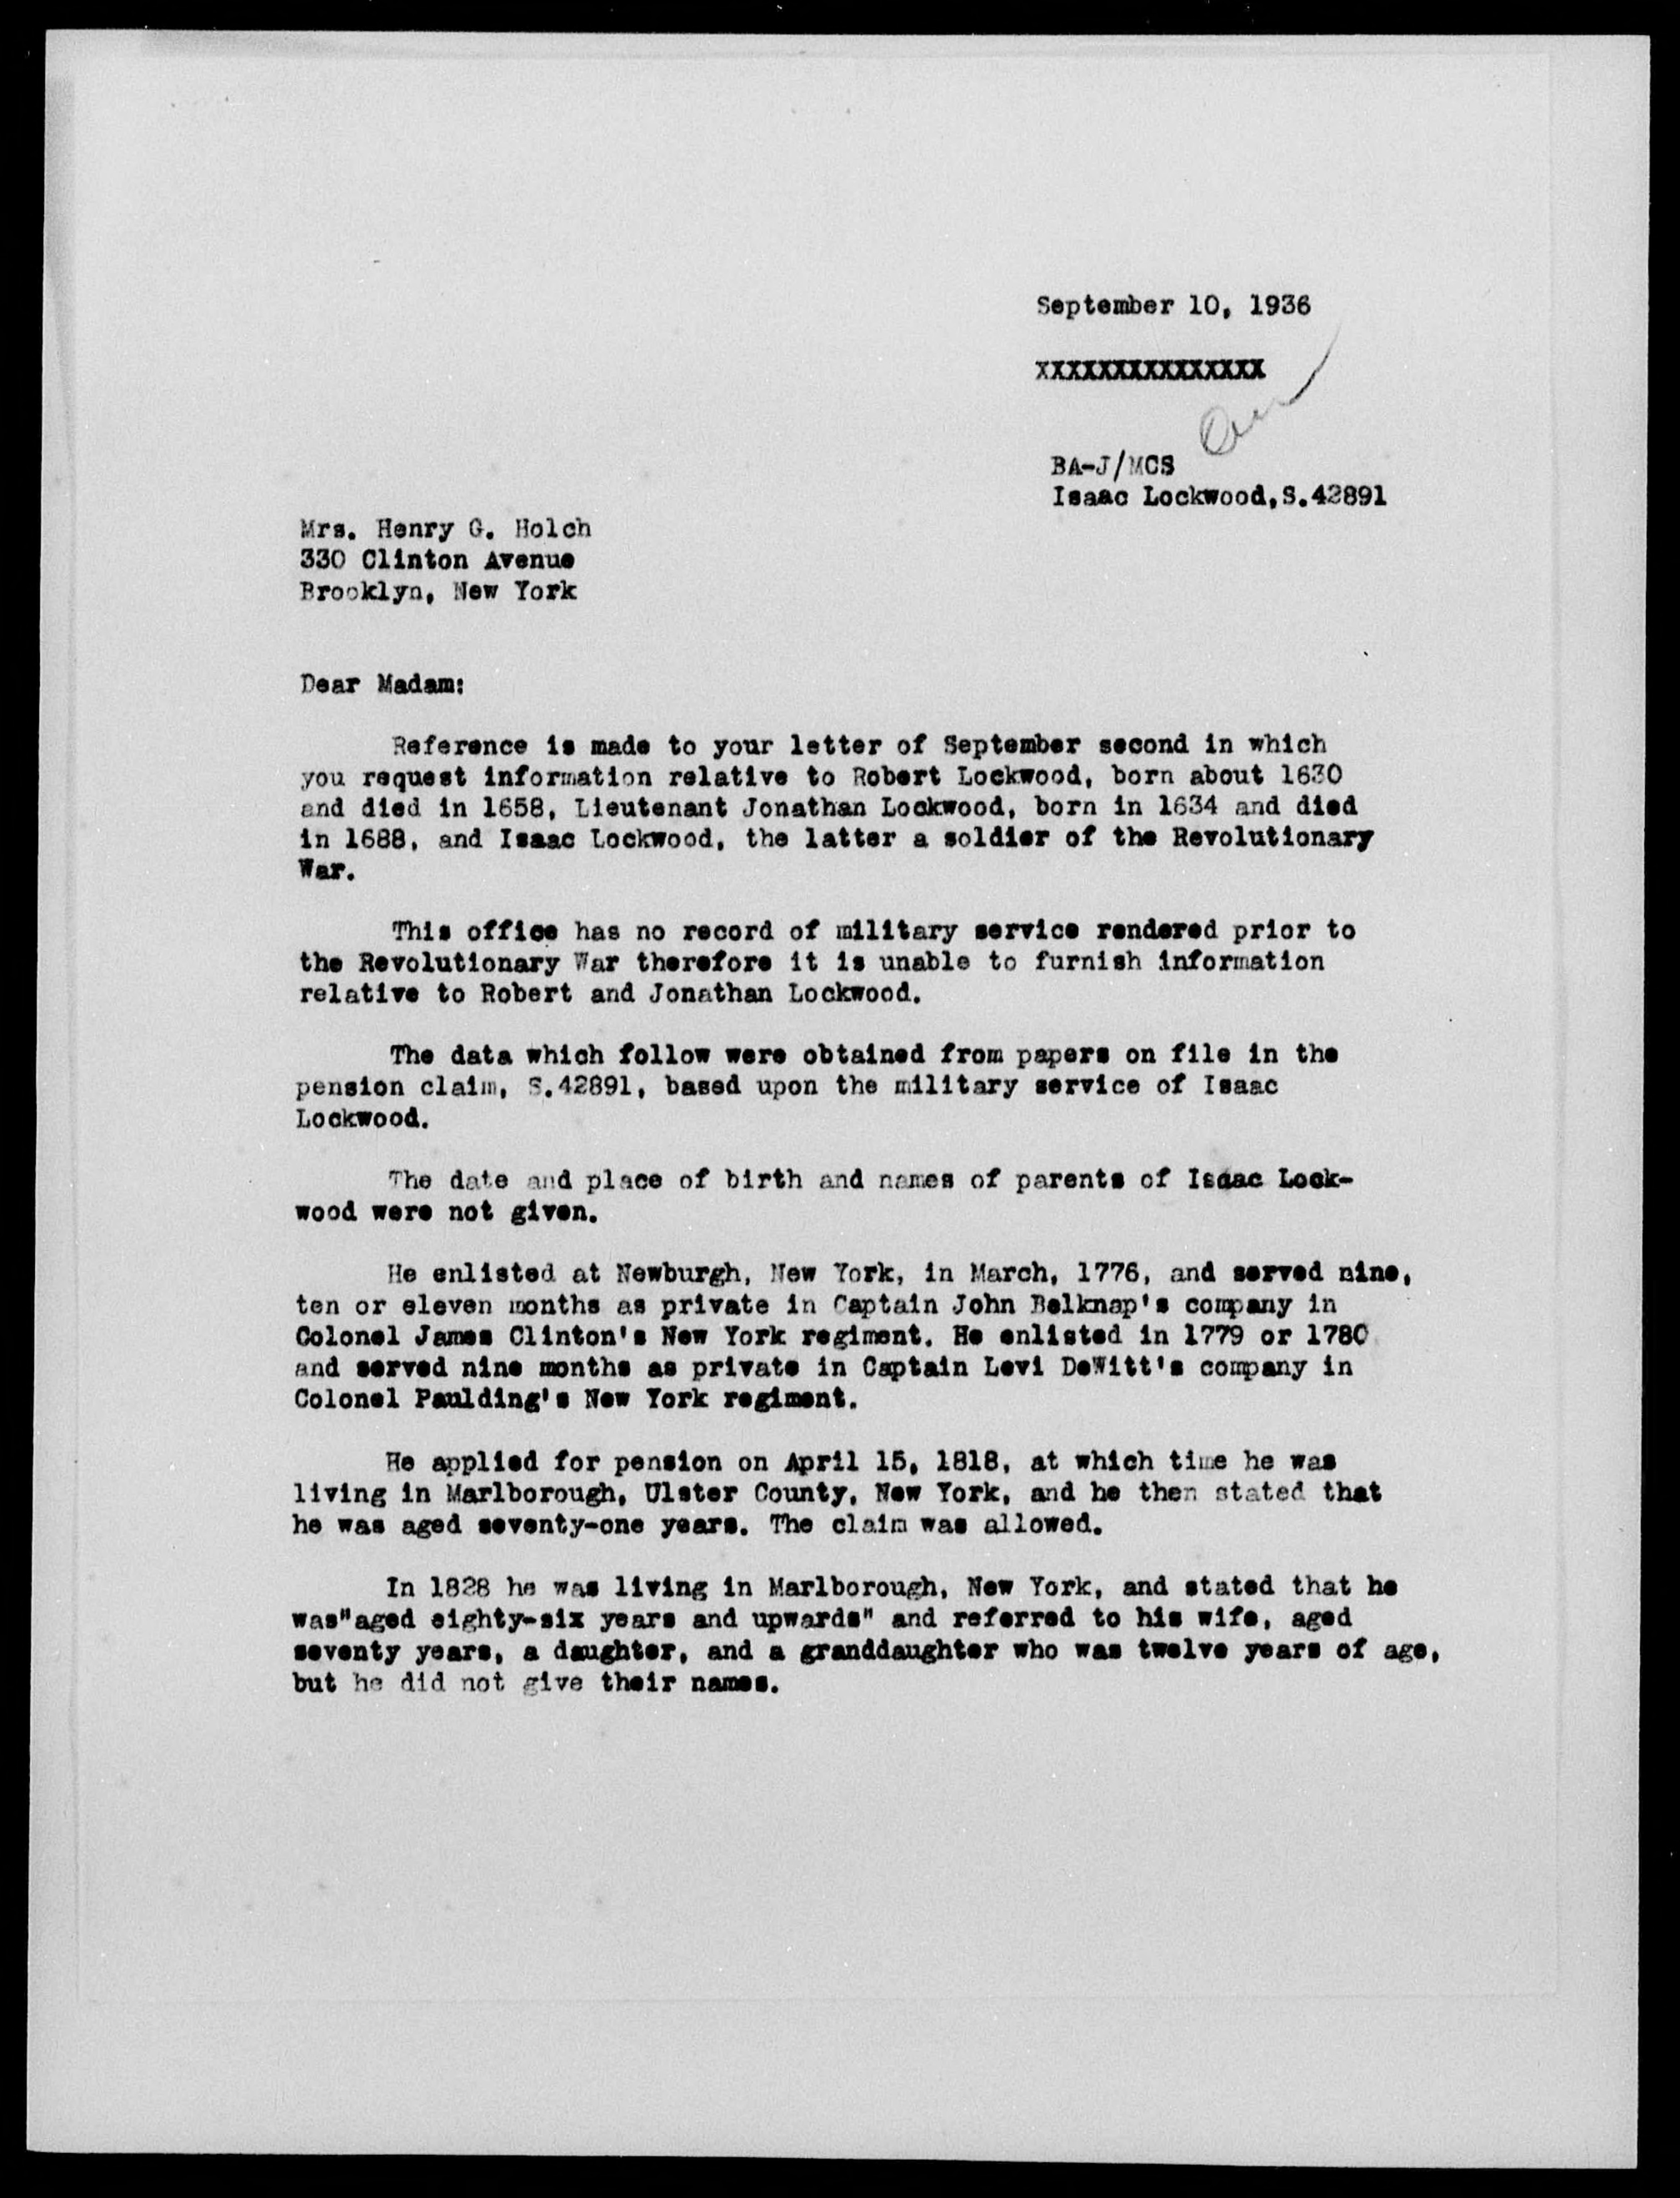September 10, 1936

xxxxxxxxxxxxxxxxxxxxxxx

BA-J/MCS
Isaac Lockwood, S. 42891

Mrs. Henry G. Holch
330 Clinton Avenue
Brooklyn, New York

Dear Madam:

Reference is made to your letter of September second in which you request information relative to Robert Lockwood, born about 1630 and died in 1658, Lieutenant Jonathan Lockwood, born in 1634 and died in 1688, and Isaac Lockwood, the latter a soldier of the Revolutionary War.

This office has no record of military service rendered prior to the Revolutionary War therefore it is unable to furnish information relative to Robert and Jonathan Lockwood.

The data which follow were obtained from papers on file in the pension claim, S.42891, based upon the military service of Isaac Lockwood.

The date and place of birth and names of parents of Isaac Lockwood were not give.

He enlisted at Newburgh, New York, in March, 1776, and served nine, ten or eleven months as private in Captain John Belknap's company in Colonel James Clinton's New York regiment. He enlisted in 1779 or 1780 and served nine months as private in Captain Levi DeWitt's company in Colonel Paulding's New York regiment.

He applied for pension on April 15, 1818, at which time he was living in Marlborough, Ulster County, New York, and he then stated that he was aged seventy-one years. The claim was allowed.

In 1828 he was living in Marlborough, New York, and stated that he was "aged eighty-six years and upwards" and referred to his wife, aged seventy years, a daughter, and a granddaughter who was twelve years of age, but he did not give their names.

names: Jonathan Lockwood; Isaac Lockwood; Robert Lockwood; Henry G Holch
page: 10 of 23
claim: survivor's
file: S 42891, for Isaac Lockwood, New York